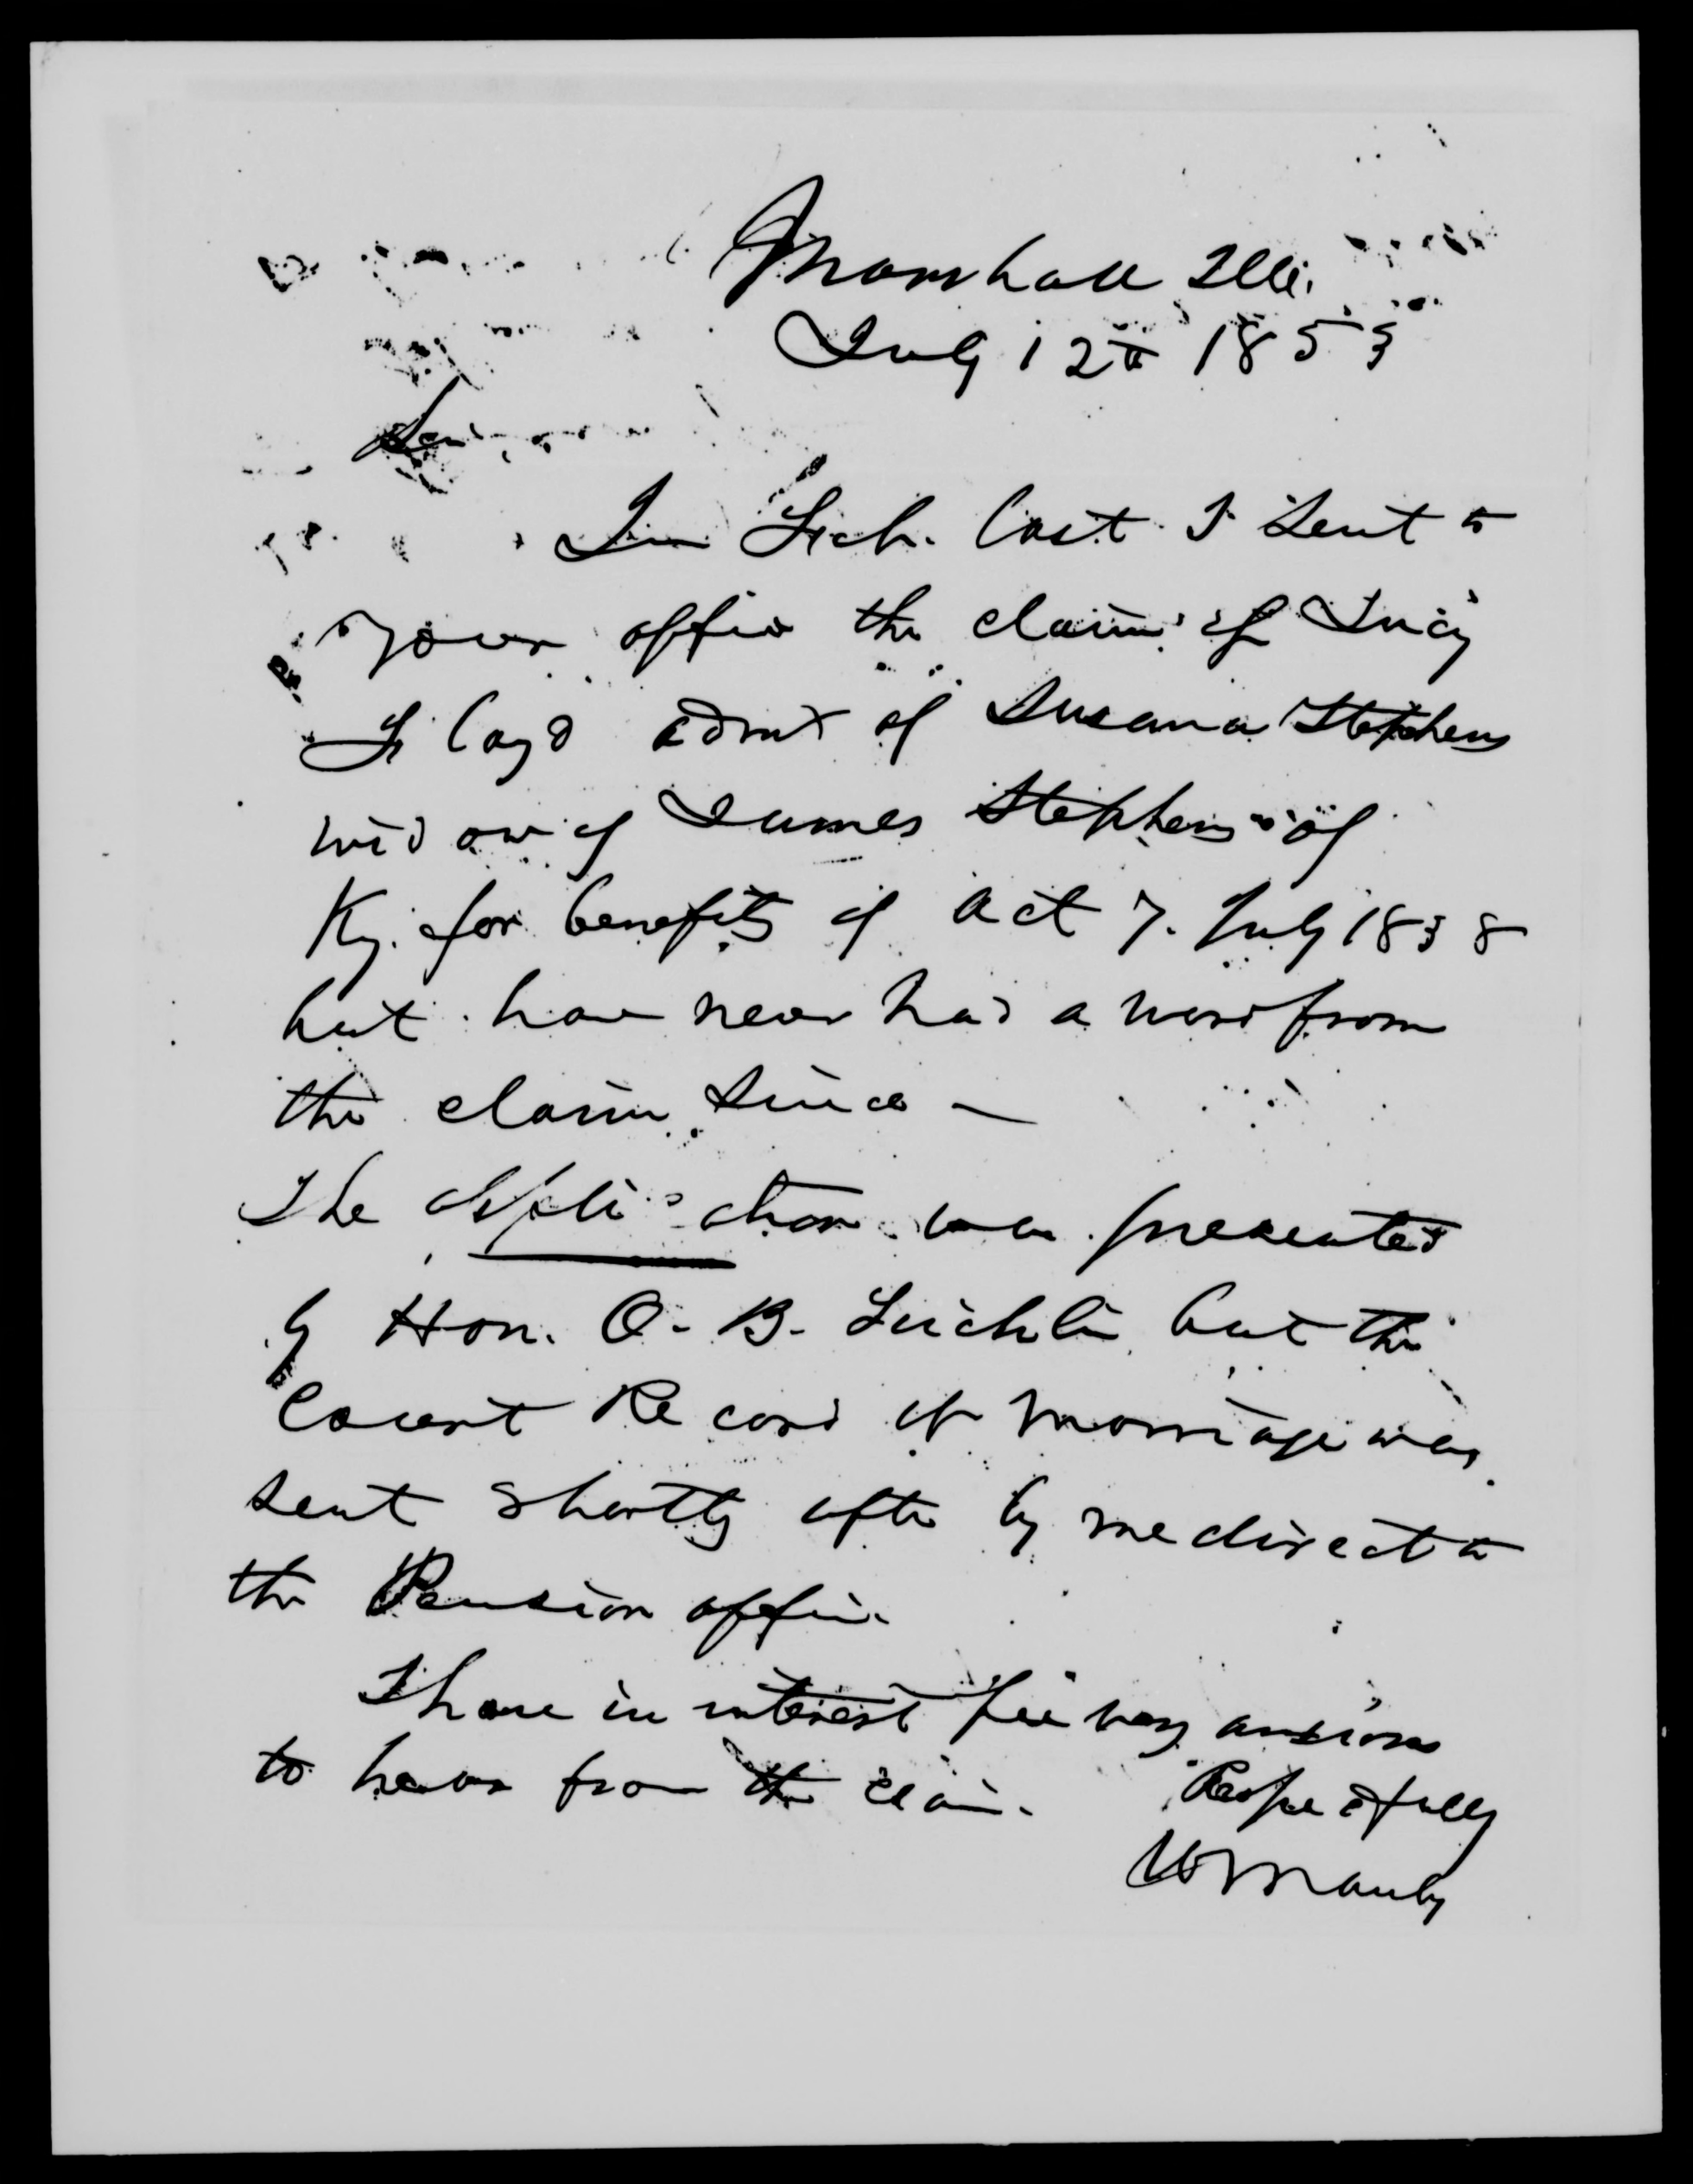Marshall Ill
July 12th 1853
Sir
In Feb last I sent to your office the claim of Lucy Floyd admx of Susana Stephens widow of James Stephens of Ky for benefits of act 7 July 1838 but have never had a word from the claim since.
The application was presented by Hon O. B. Luchli but the Court Record of marriage was sent shortly after by me direct to the Pension office.
I have in interest [illegible] to hear from the clai
Respectfully
W Manly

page: 64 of 99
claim: widow's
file: W 8766, for James Stevens, Virginia